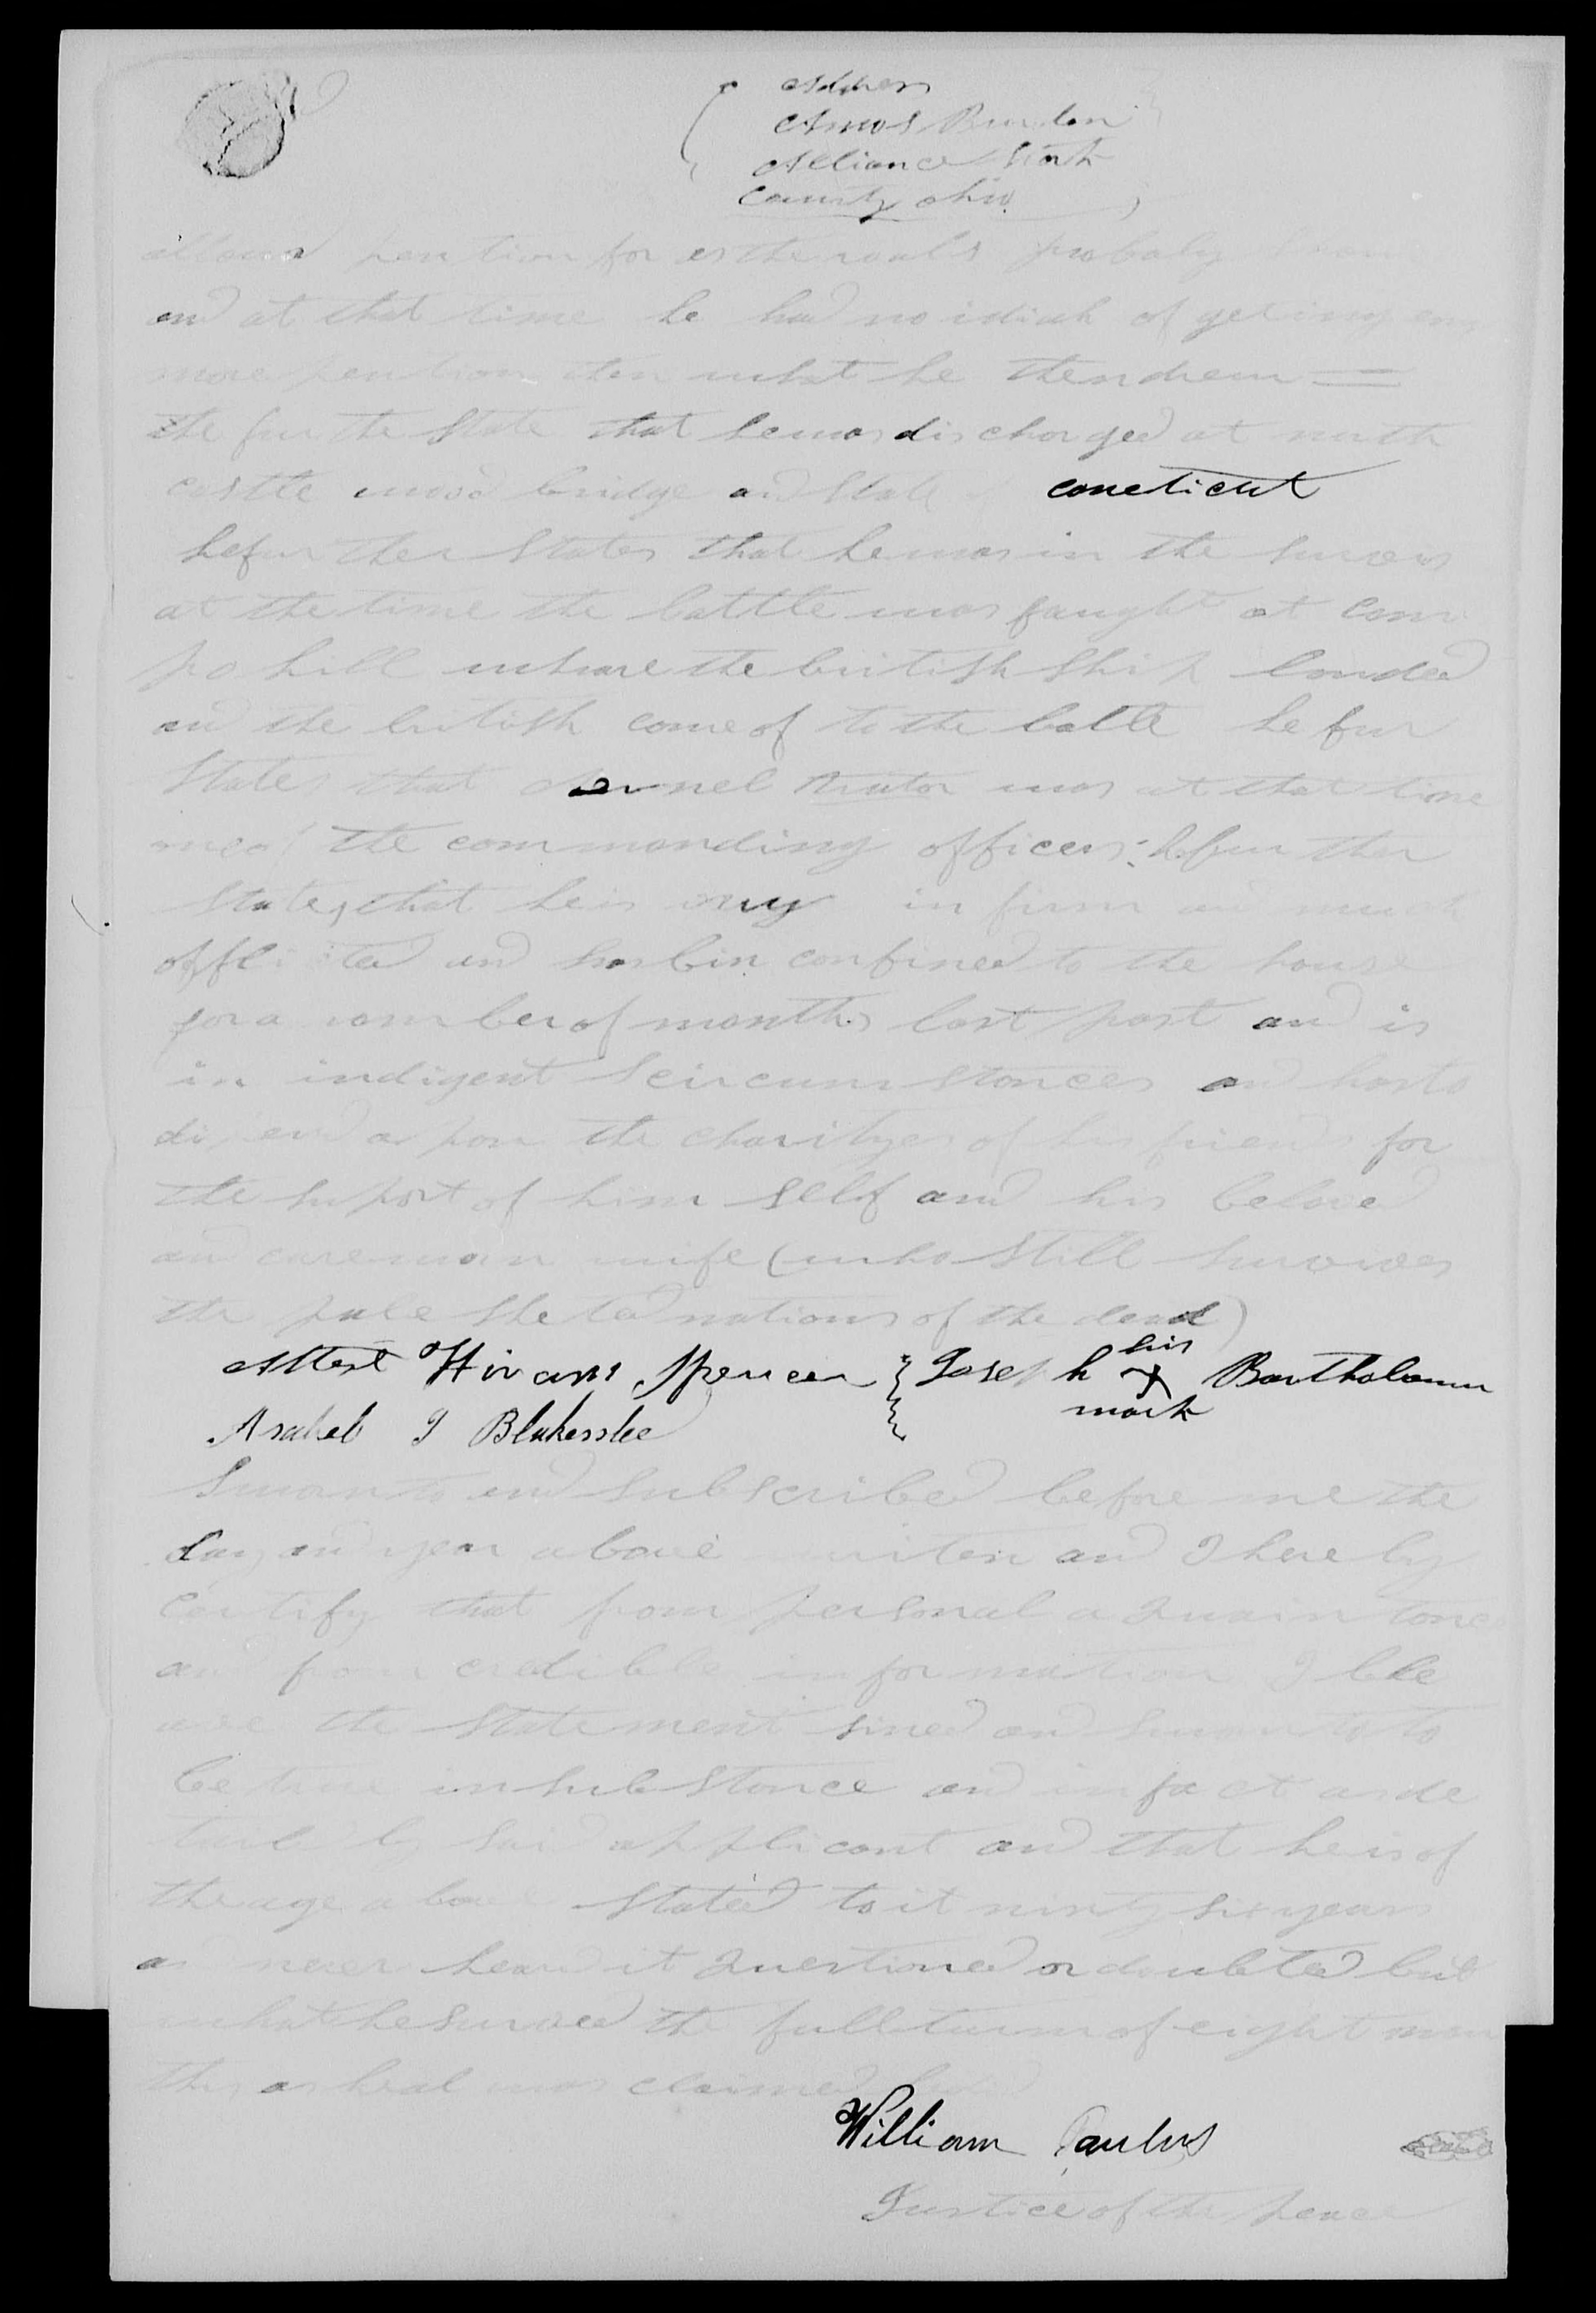Address
Amos Burden
Alliance Stark
County Ohio
allowed pension for either ranks probably from
and at that time he had no idea of getting one
more pension than what he then drew
He further State that he was discharged at north
castle woodbridge and State of Connecticut
befor the states that he was in the forces
at the time the battle was fought at com-
po hill where the british Ship landed
and the british come of to the battle he further
States that Asahel Burton was at the time
thereof the commanding officers He further
States that he is very infirm and much
afflicted and has been confined to the house
for a number of months last past and is
in indigent circumstances and must
depend on the charity of his friends for
the support of himself and his beloved
and ?cannon? wife (who still ?have?
the full the lamations of the dead)
Attest Hiram Spencer                                 his
Asahel  T Blakeslee                        Joseph   X  Bartholomew
                                                                 mark
Sworn to and subscribed before me the
day and year above written and thereby
certify that from personal aquaintance
and from credible information I certify
the statement fined and sworn to to
be true in substance and in fact and
told by said applicant and that he is of
the age above stated to it ninety six years
as never heard it questioned or doubted but
what he served the full sum of eight months
as he had claimed
William Paulus
Justice of the peace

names: Hiram Spencer, Asahel T Blakesslee, Amos Burden, William Paulus, Joseph Bartholomew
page: 61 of 76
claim: widow's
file: W. 9345, Joseph Bartholomew, Conn.